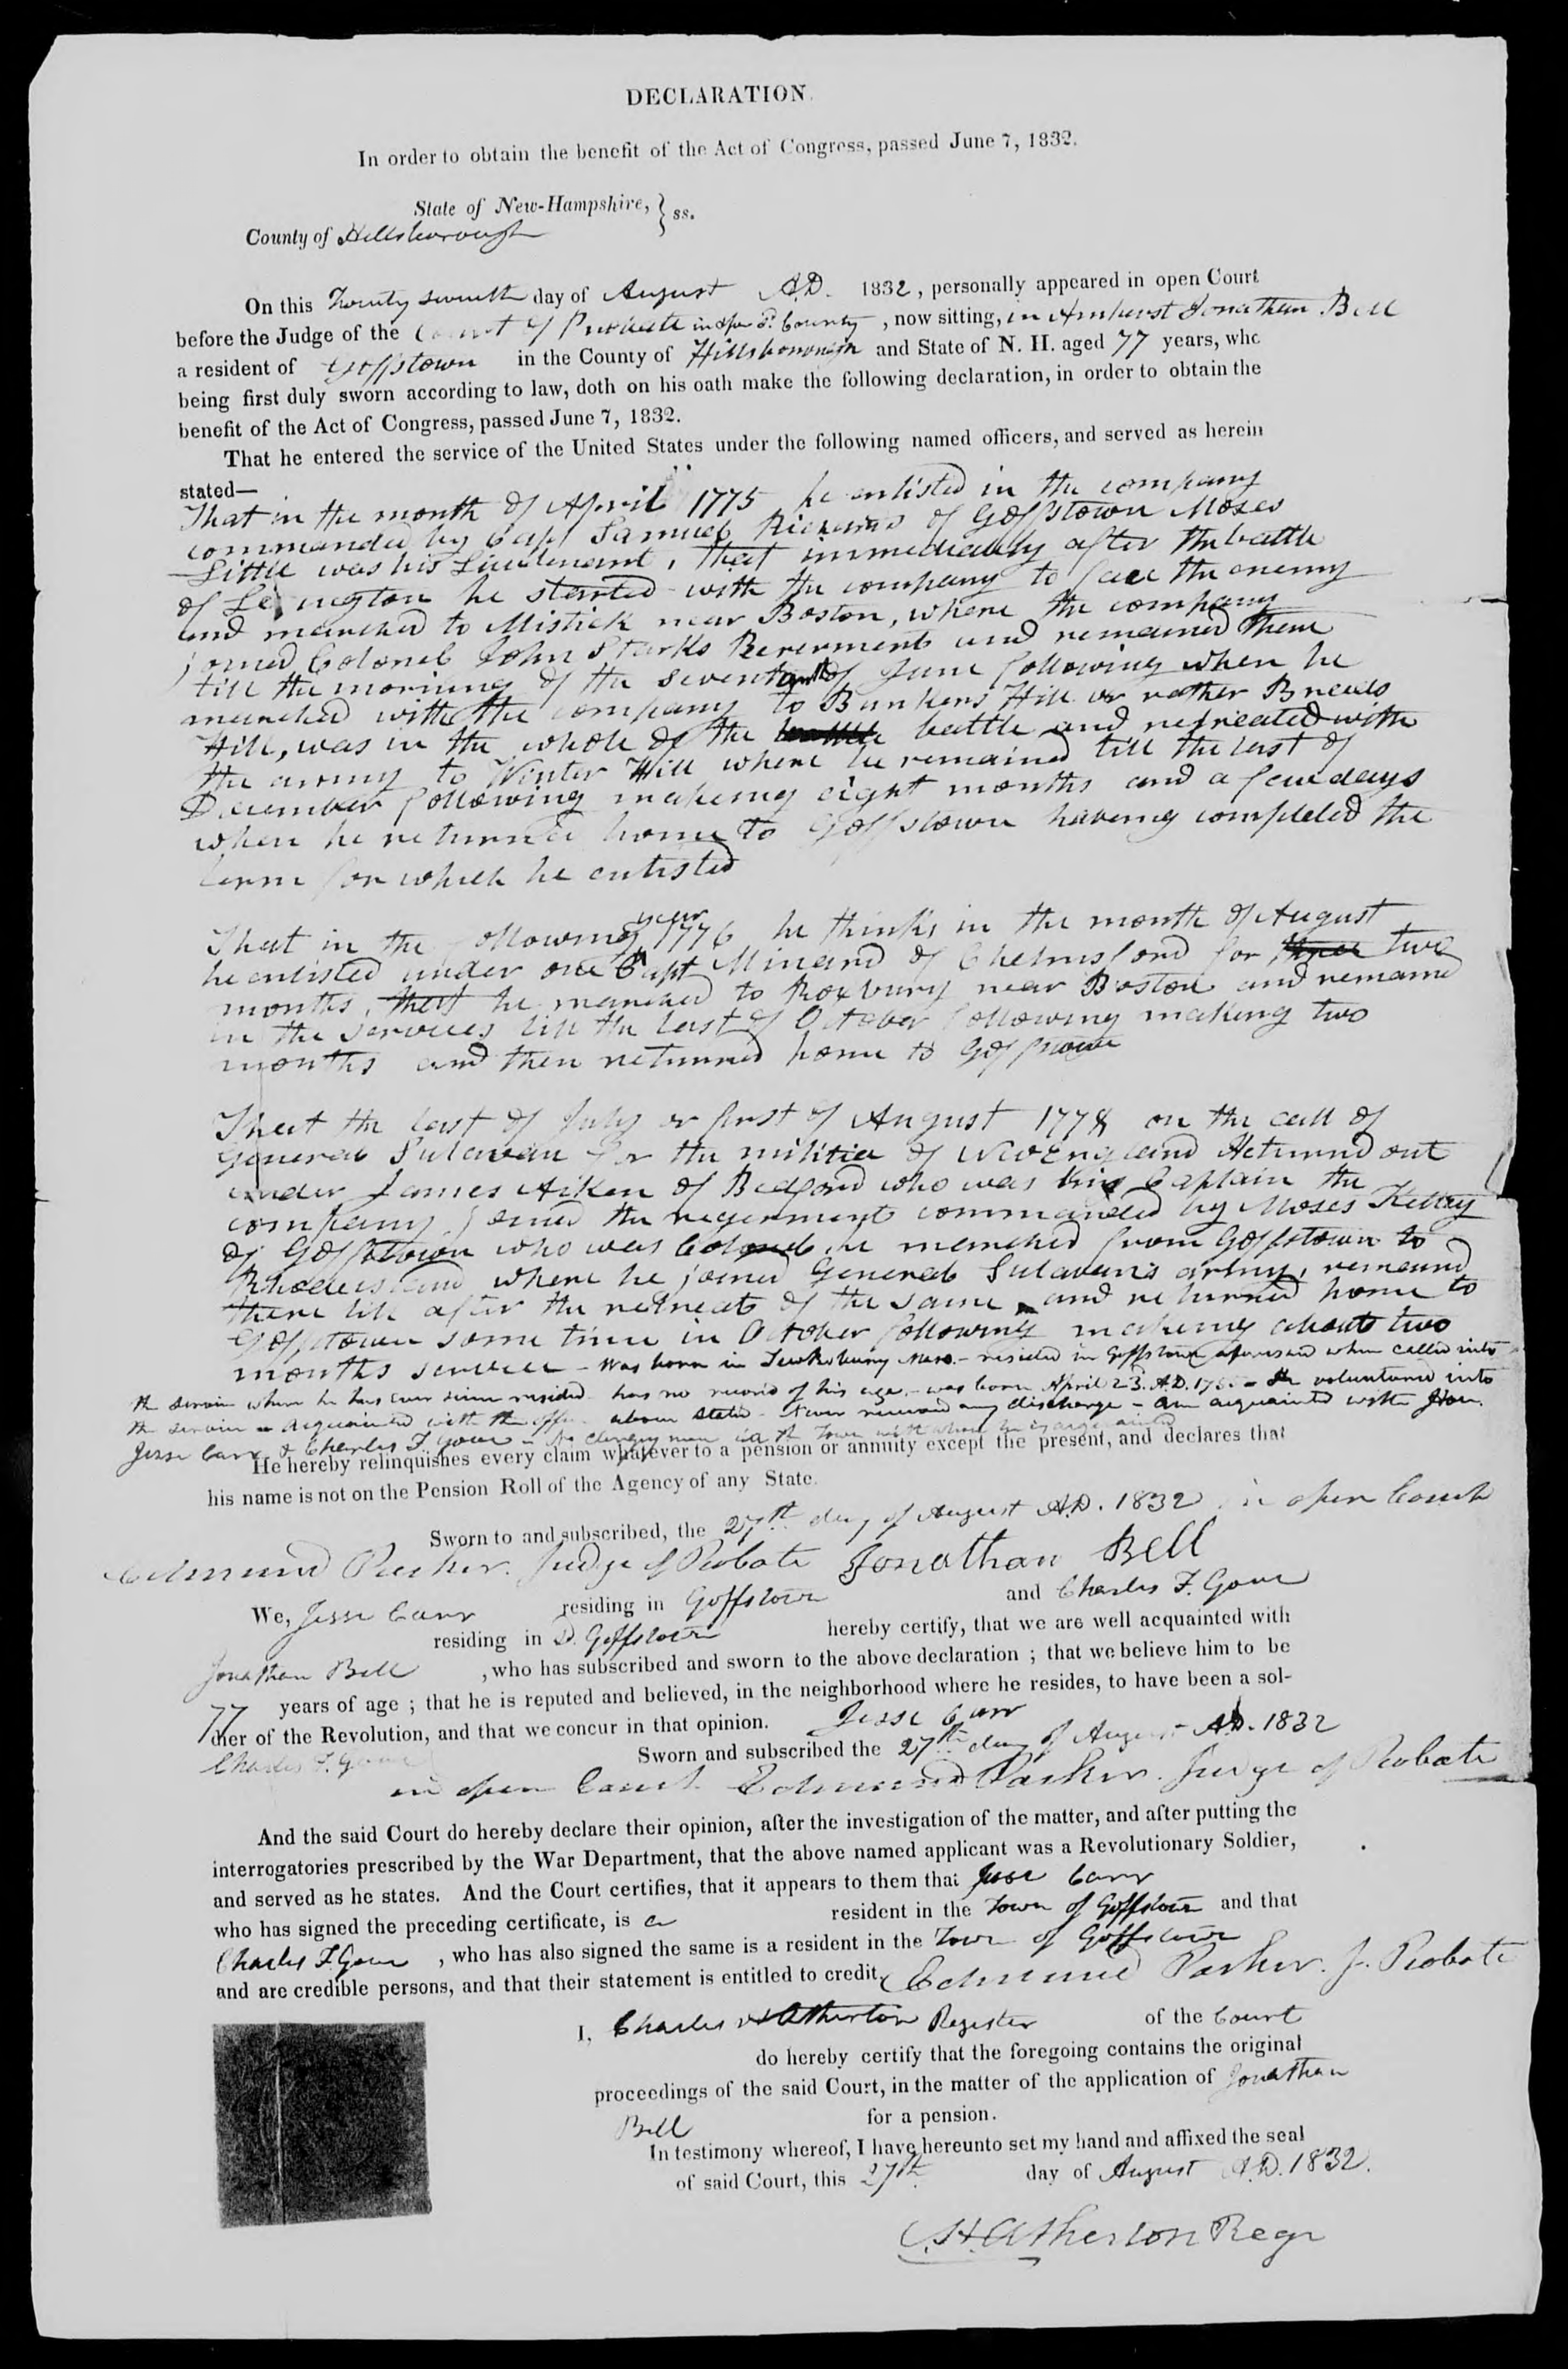DECLARATION
In order to obtain the benefit of the Act of Congress, passed June 7, 1832.
State of New Hampshire,
County of Hillsborough} ss. 
On this Twenty seventh day of August A.D. 1832, personally appeared in open Court before the Judge of the Court of Probate in & for s'd County, now sitting, in Amherst Jonathan Bell a resident of Goffstown in the County of Hillsborough and State of N.H. aged 77 years, who being first duly sworn according to law, doth on his oath make the following declaration, in order to obtain the benefit of the Act of Congress, passed June 7, 1832. 
That he entered the service of the United States under the following named officers, and served as herein stated - 
That in the month of April 1775 he enlisted in the company commanded by Capt Samuel Richmond of Goffstown Moses Little was his Lieutenant, that immediately after the battle of Lexington he started with the company to face the enemy and marched to Mistick near Boston, where the company joined Colonel John Stark's Regement and remained there till the morning of the seventeenth of June following when he marched with the company to Bunkers Hill or rather Breed's Hill, was in the whole of the ['batttle' crossed out] battle and retreated with the army to Winter Hill where he remained till the last of December following makeing eight months and a few days when he returned home to Goffstown haveing completed the term for which he enlisted
That in the following year 1776, he thinks in the month of August he enlisted under one Capt Minard (Maynard) of Chelmsford for ['three' crossed out] two months, that he marched to Roxbury near Boston and remained in the services till the last of October following making two months and then returned home to Goffstown
That the last of July or first part of August 1778 on the call of General Sulavan (Sullivan) for the militia of New England He turned out under James Aiken of Bedford who was being Captain the company. Served the regerment commanded by Moses Kelly of Goffstown who was Colonel he marched from Goffstown to Rhodeisland where he joined General Sulavan's (Sullivan) army, remained there till after the retreat of the same and returned home to Goffstown some time in October following makeing about two months service - Was born in Tewksbury Mass. - resided in Goffstown aforesaid when called into the service where he has ever since resided - has no record of his age. - was born April 23d A.D. 1755 - He volunteered into the service - acquainted with the officer above stated - Never received any discharge - am acquainted with Hon. Jesse Carr & Charles F. Gove - No clergymen in the Town with whom he is acquainted
He hereby relinquishes every claim whatever to a pension or annuity except the present, and declares that his name is not on the Pension Roll of the Agency of any State. 
Sworn to and subscribed, the 27th day of August A.D. 1832 in open Court 
/s/Jonathan Bell
/s/Edmund Parker Judge of Probate
We, Jesse Carr residing in Goffstown and Charles F. Gove residing in s'd Goffstown hereby certify, that we are well acquainted with Jonathan Bell, who has subscribed and sworn to the above declaration; that we believe him to be 77 years of age; that he is reputed and believed, in the neighborhood where he resides, to have been a soldier of the Revolution, and that we concur in that opinion. 
/s/Jesse Carr
/s/Charles F. Gove
Sworn and subscribed the 27th day of August A.D. 1832 in open Court
/s/Edmund Parker Judge of Probate
And the said Court do hereby declare their opinion, after the investigation of the matter, and after putting the interrogatories prescribed by the War Department, that the above applicant was a Revolutionary Soldier, and served as he states. And the Court certifies, that it appears to them that Jesse Carr who has signed the preceding certificate, is a resident in the Town of Goffstown and that Charles F. Gove, who has also signed the same is a resident in the Town of Goffstown and are credible persons, and that their statement is entitled to credit. 
/s/Edmund Parker. J. Probate
I Charles H. Atherton Register of the Court do hereby certify that the foregoing contains the original proceedings of the said Court, in the matter of the application of Jonathan Bell for a pension. 
[court seal affixed] In testimony whereof, I have hereunto set my hand and affixed the seal of said Court, this 27th day of August A.D. 1832. 
/s/C. H. Atherton Regr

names: J Robote, Edmund Parker, Jesse Carr, Charles Hatherton, Jonathan Bell, Jonathan Bell, Charles F Gove, Charles F Gove, John Starks, Jesse Carr, Jonathan Bell, C Hatherton, Jonathan Bell, Jesse Carr, Samuel Richards, Moses Little, Edmund Parker, James Aiken, Charles F Gove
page: 6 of 13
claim: survivor's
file: S. 12172, Jonathan Bell, N.H.